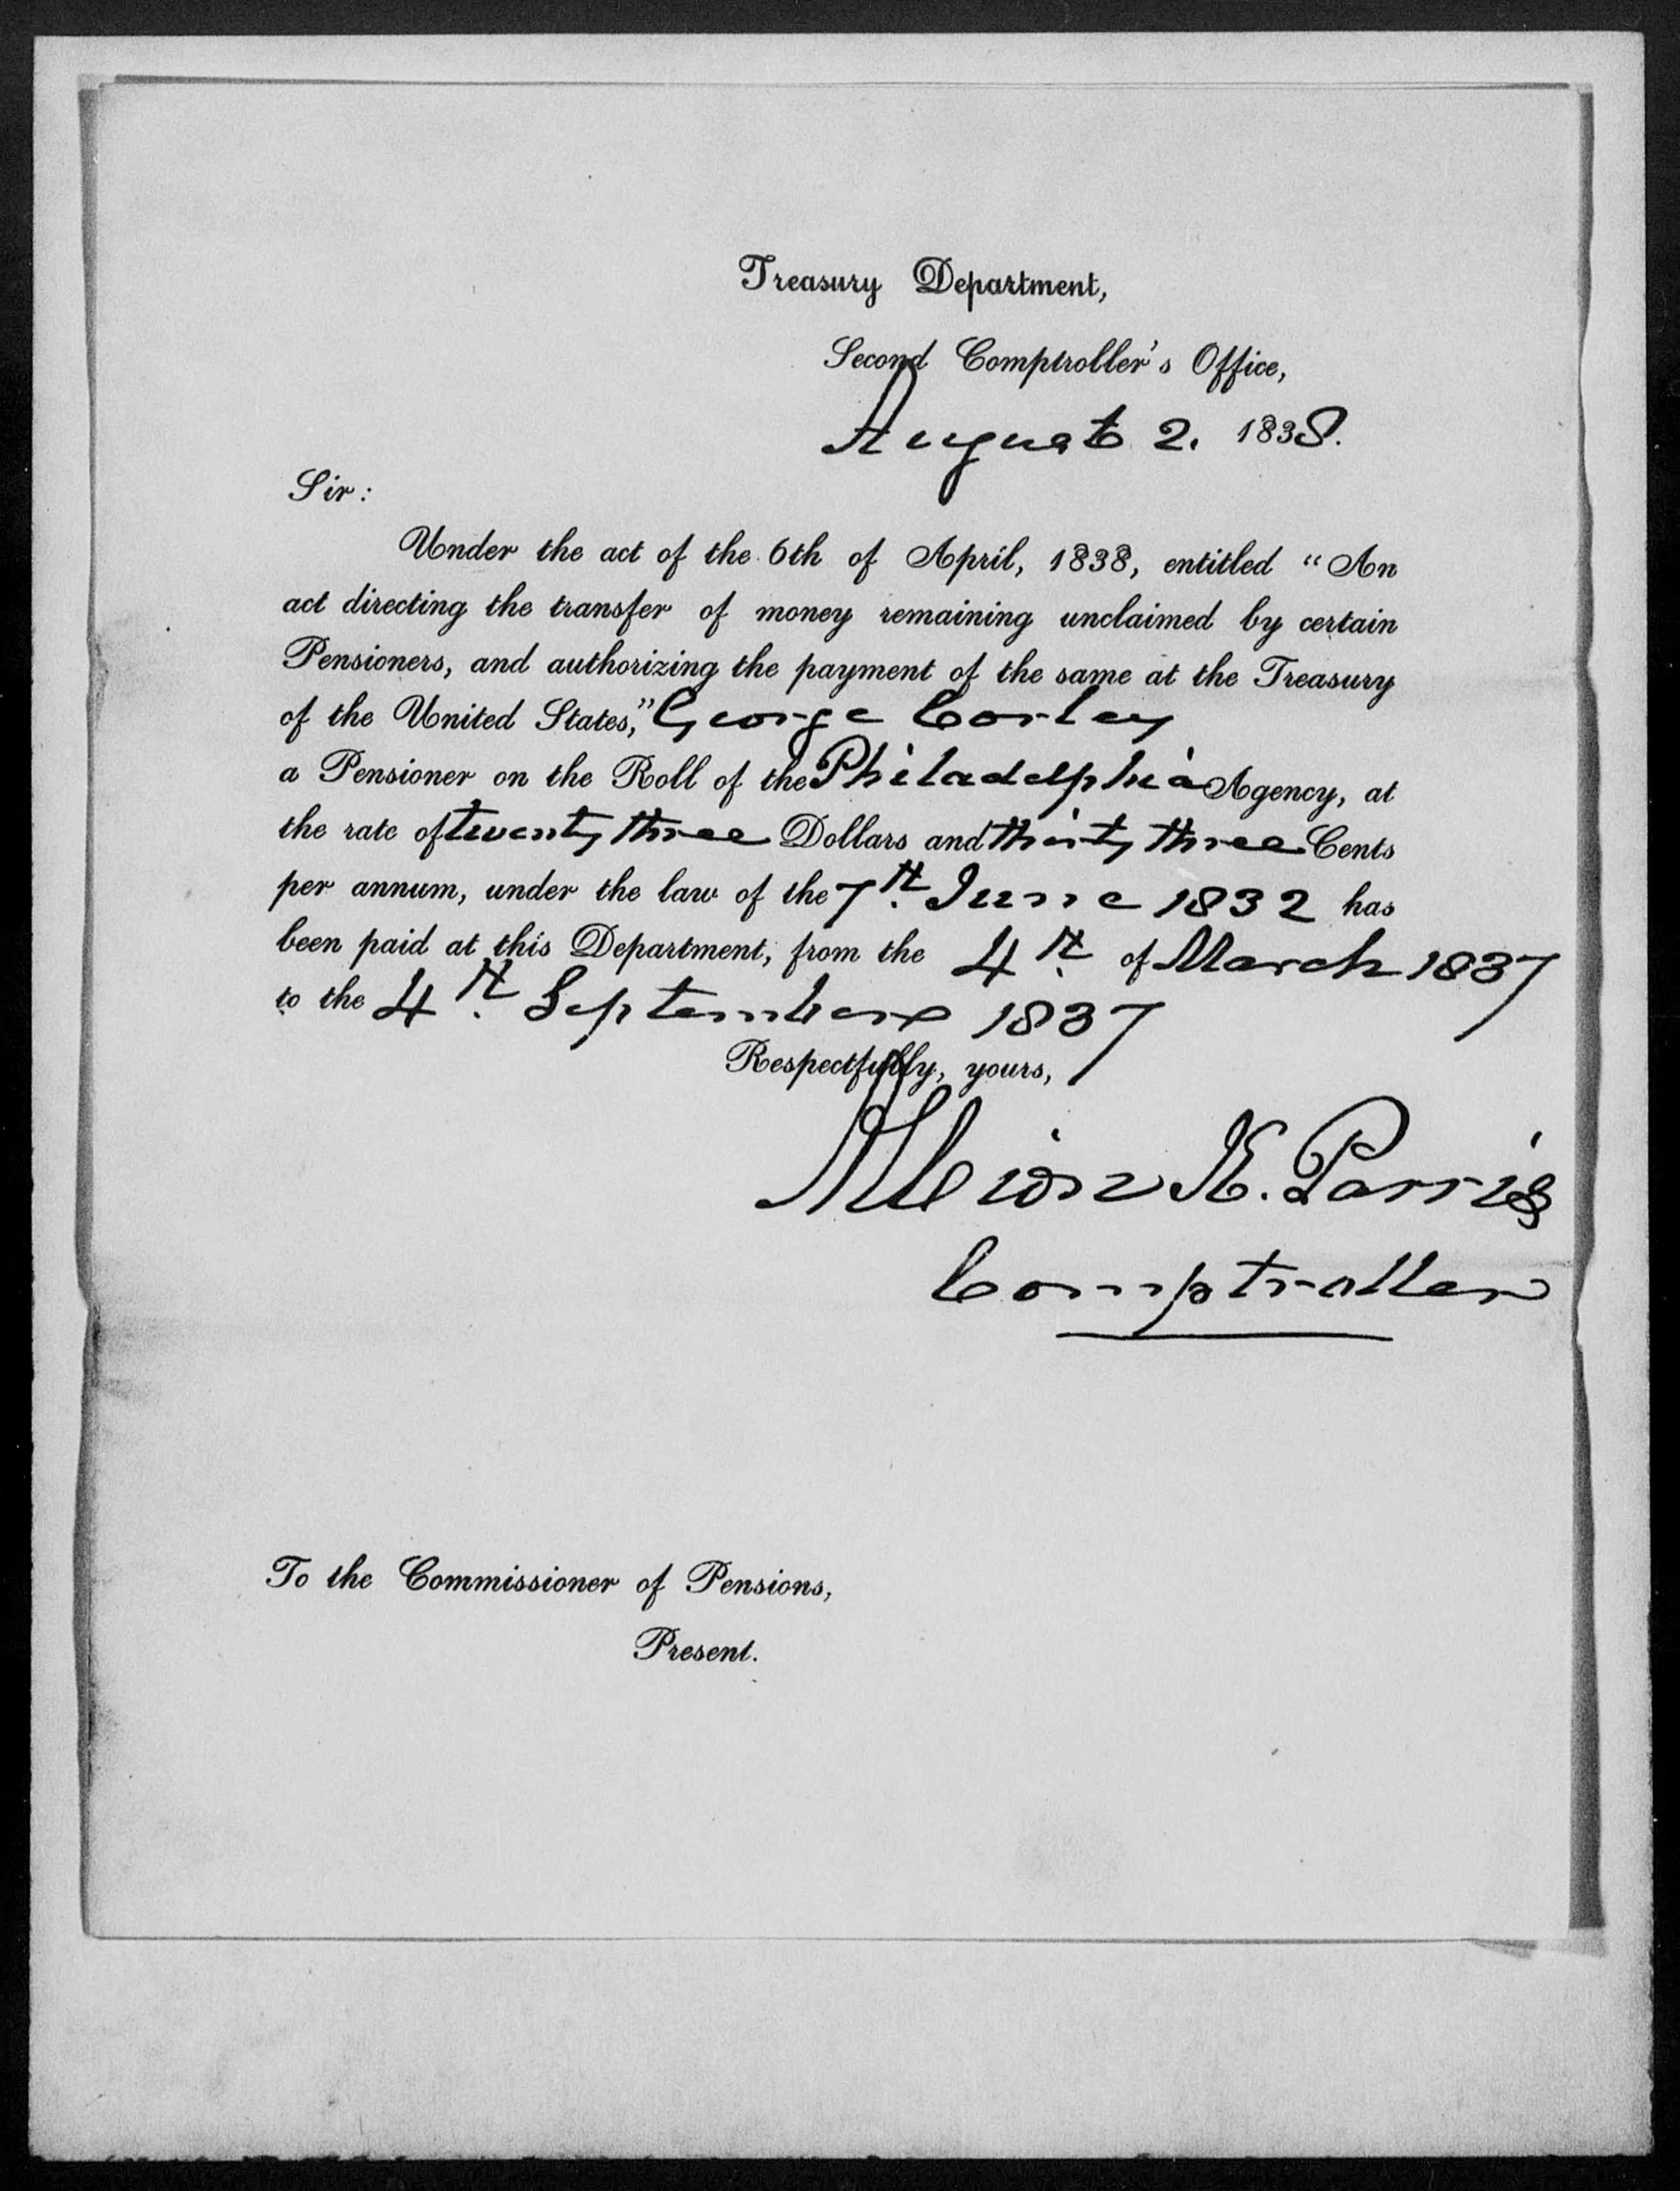Treasury Department,
Second Comptroller's Office,
August 2, 1838

Sir:
Under the act of the 6th of April, 1838, entitled "An
act directing the transfer of money remaining unclaimed by certain
Pensioners, and authorizing the payment of the same at the Treasury
of the United States," George Corley
a Pensioner on the Roll of the Philadelphia Agency, at
the rate of twenty three Dollars and thirty three Cents
per annum, under the law of the 7th June, 1832 has 
been paid at this Department, from the 4th of March 1837
to the 4th September 1837
Respectfully, yours,
Albion K. Parris
Comptroller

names: Albion K Parris, George Corley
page: 10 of 22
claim: survivor's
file: S. 9,199, George Corley, Md.